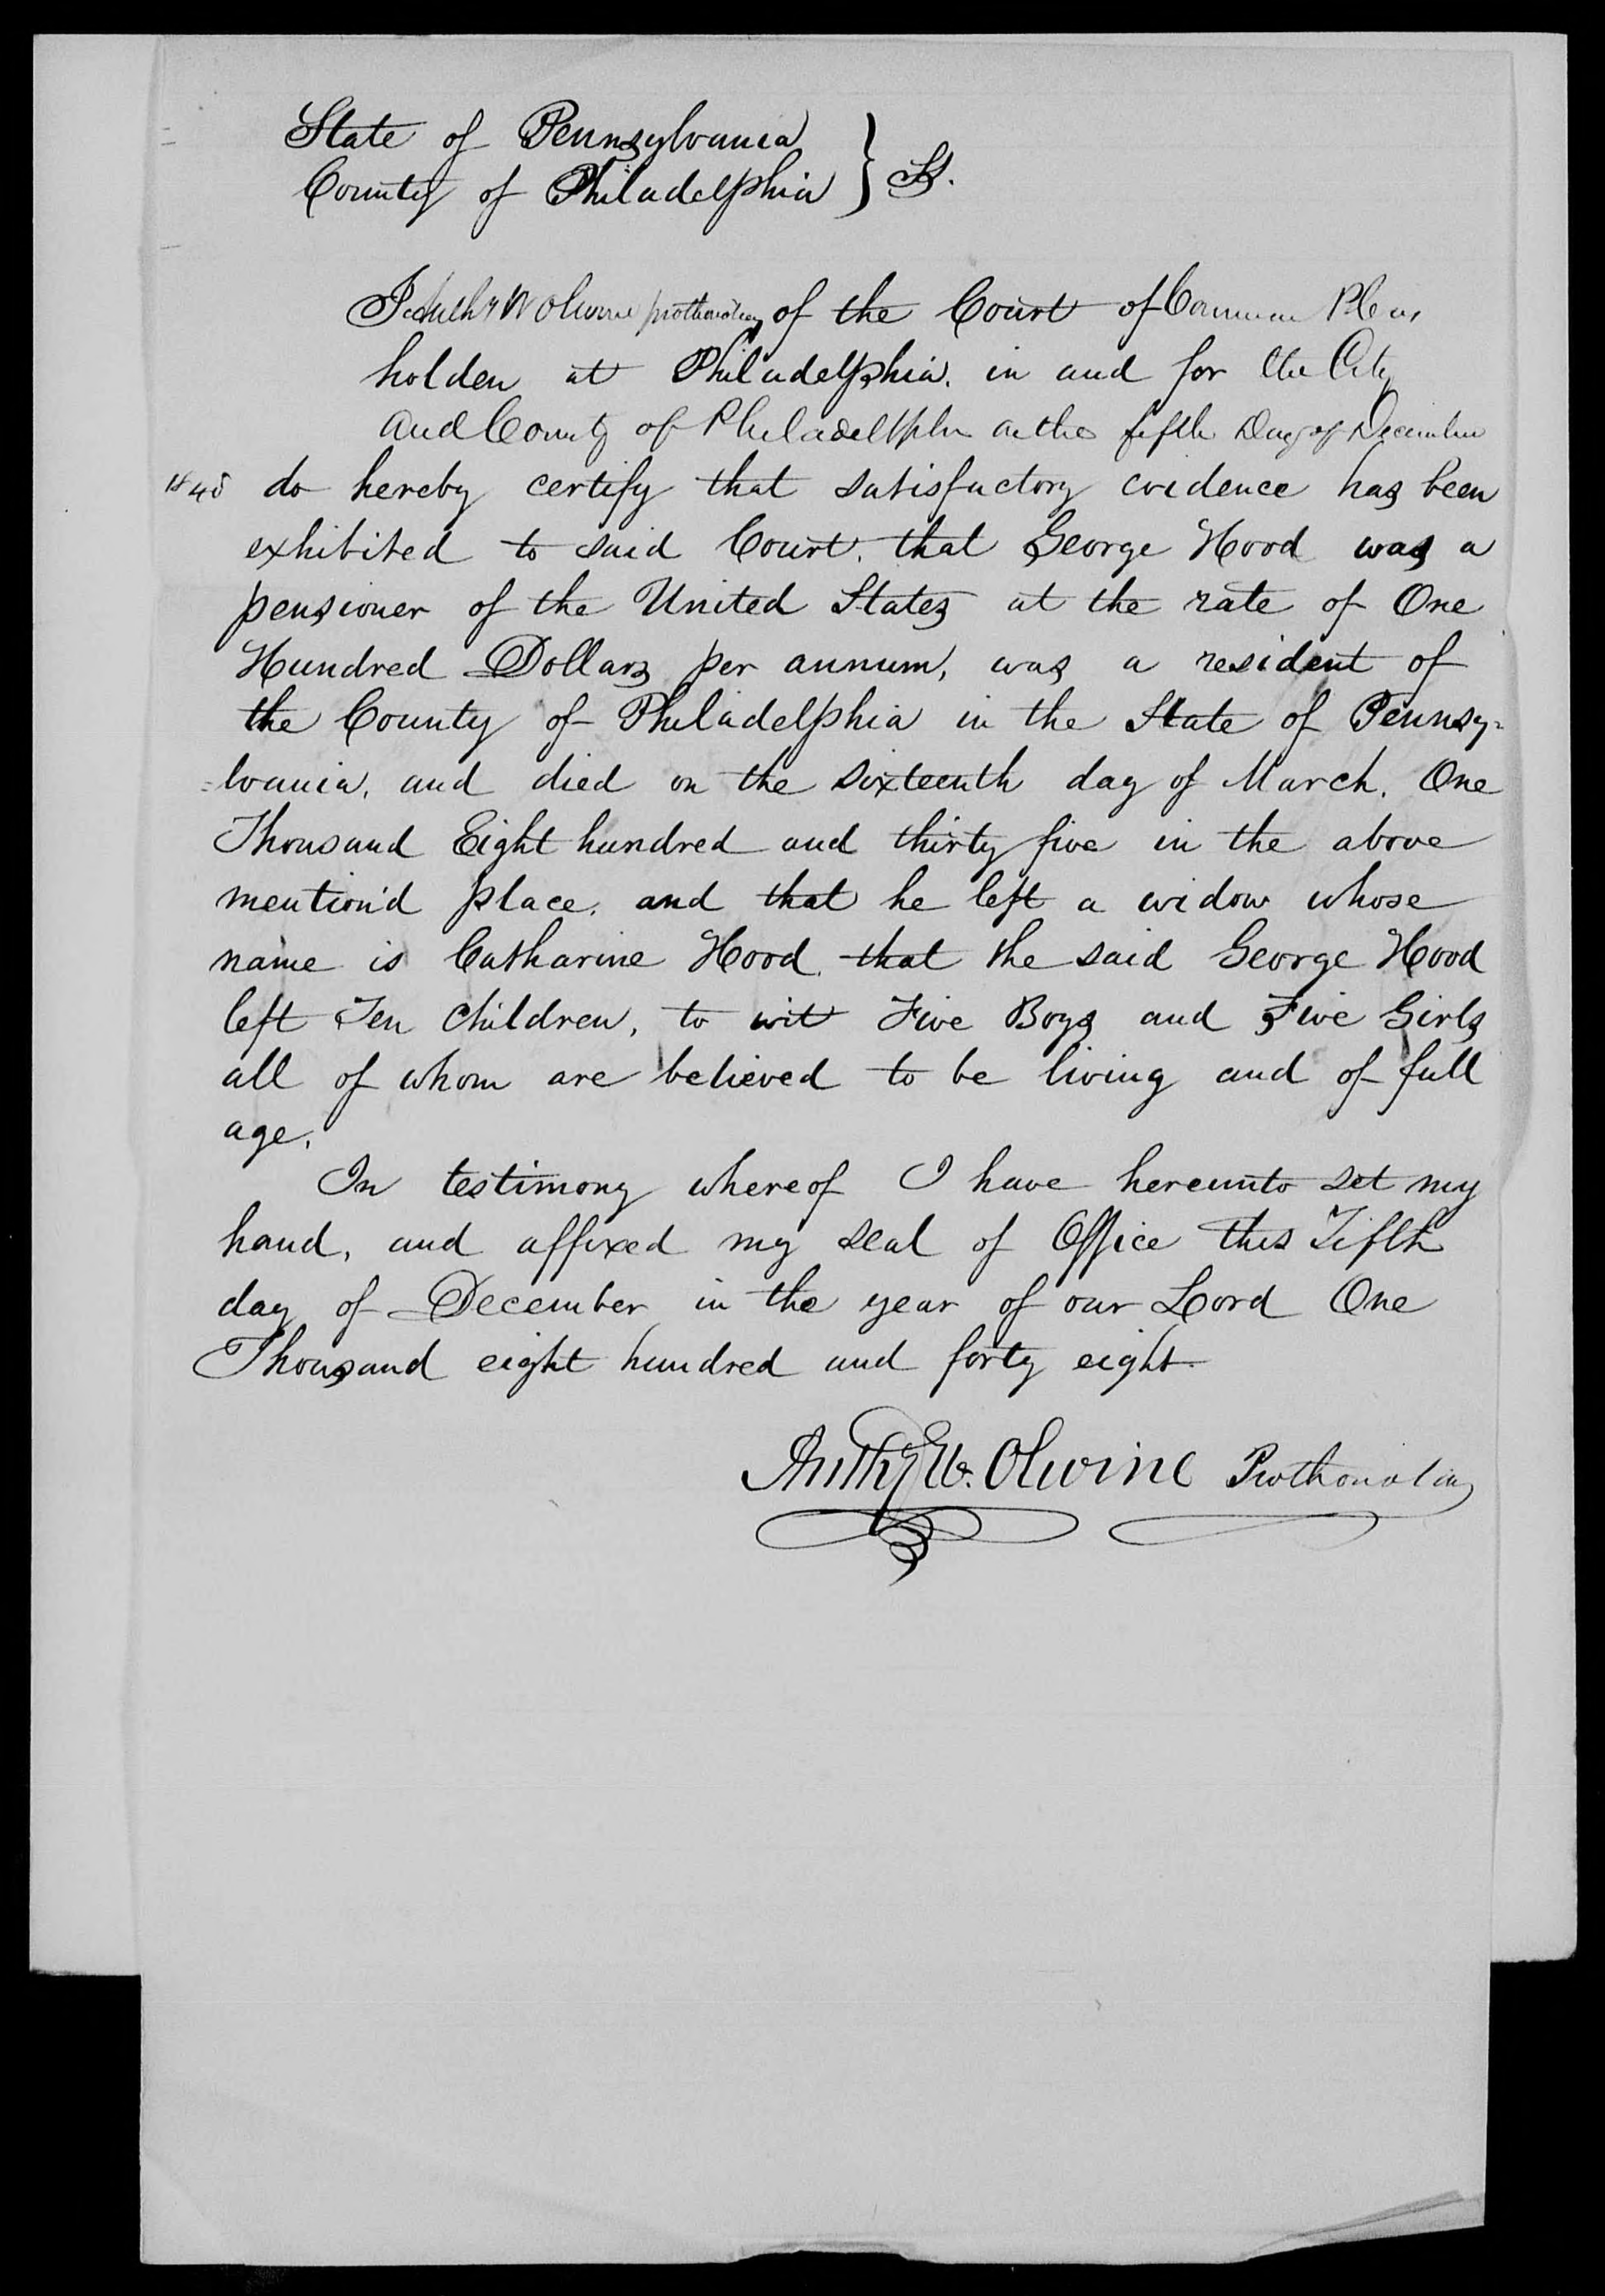State of Pennsylvania
County of Philadelphia
I, Anthony W. Olwine, Prothonotary of the Court of Common Pleas holden at Philadelphia, in and for the City and County of Philadelphia on the fifth day of December 1848, do hereby certify that satisfactory evidence has been exhibited to said Court. That George Hood was a pensioner of the United States at the rate of one hundred dollars per annum, was a resident of the County of Philadelphia in the State of Pennsylvania and died on the sixteenth day of March, one thousand eight hundred and thirty five in the abovementioned place and that he left a widow whose name is Catharine Hood that the said George Hood left ten children, to wit five boys and five girls all of whom are believed to be living and of full age. 
In testimony whereof, I have hereunto set my hand and affixed my seal of office this fifth day of December in the year of our Lord one thousand eight hundred and forty eight.
Anthony W. Olwine, Prothonotary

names: Anthy W Olwine, George Hood, George Hood, Catharine Hood, Anthy W Olwine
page: 9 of 51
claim: widow's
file: W 8939, George Hood, Continental Va.